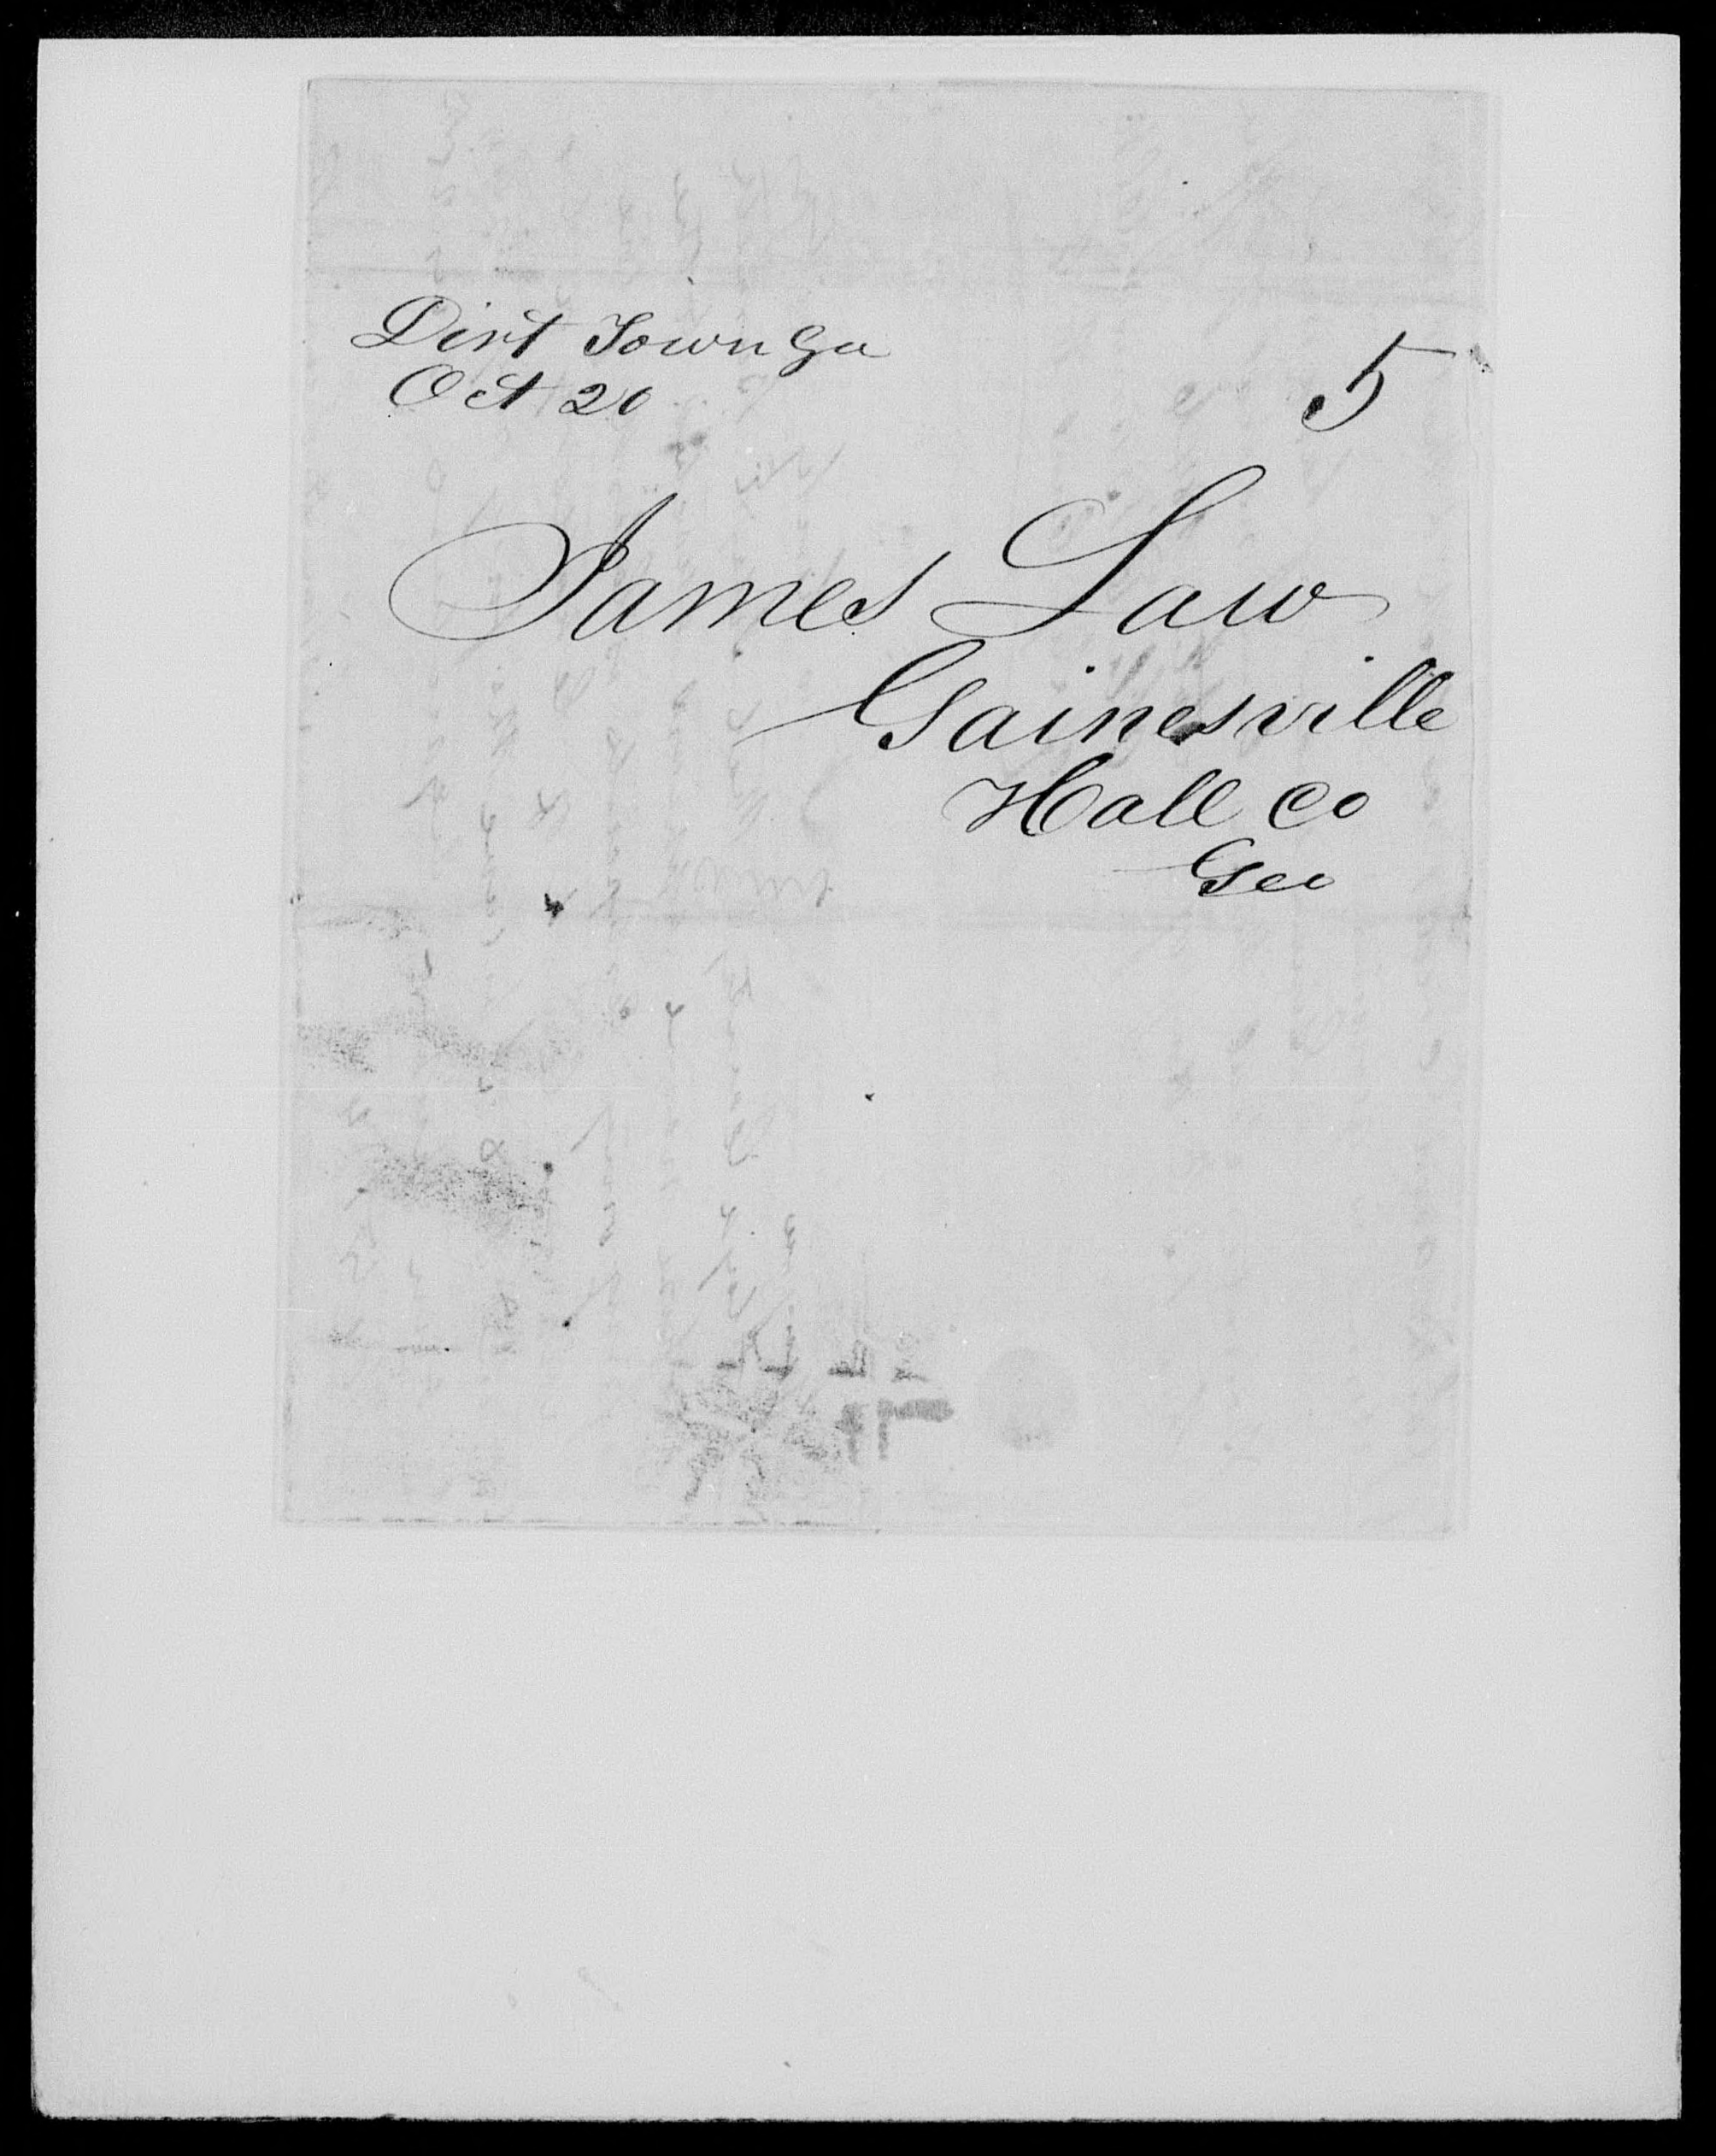Dirt Town Ga              5
Oct 20


James Law
Gainesville 
Hall Co
Geo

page: 20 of 26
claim: widow's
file: W. 4464, for John H Johnson, Georgia